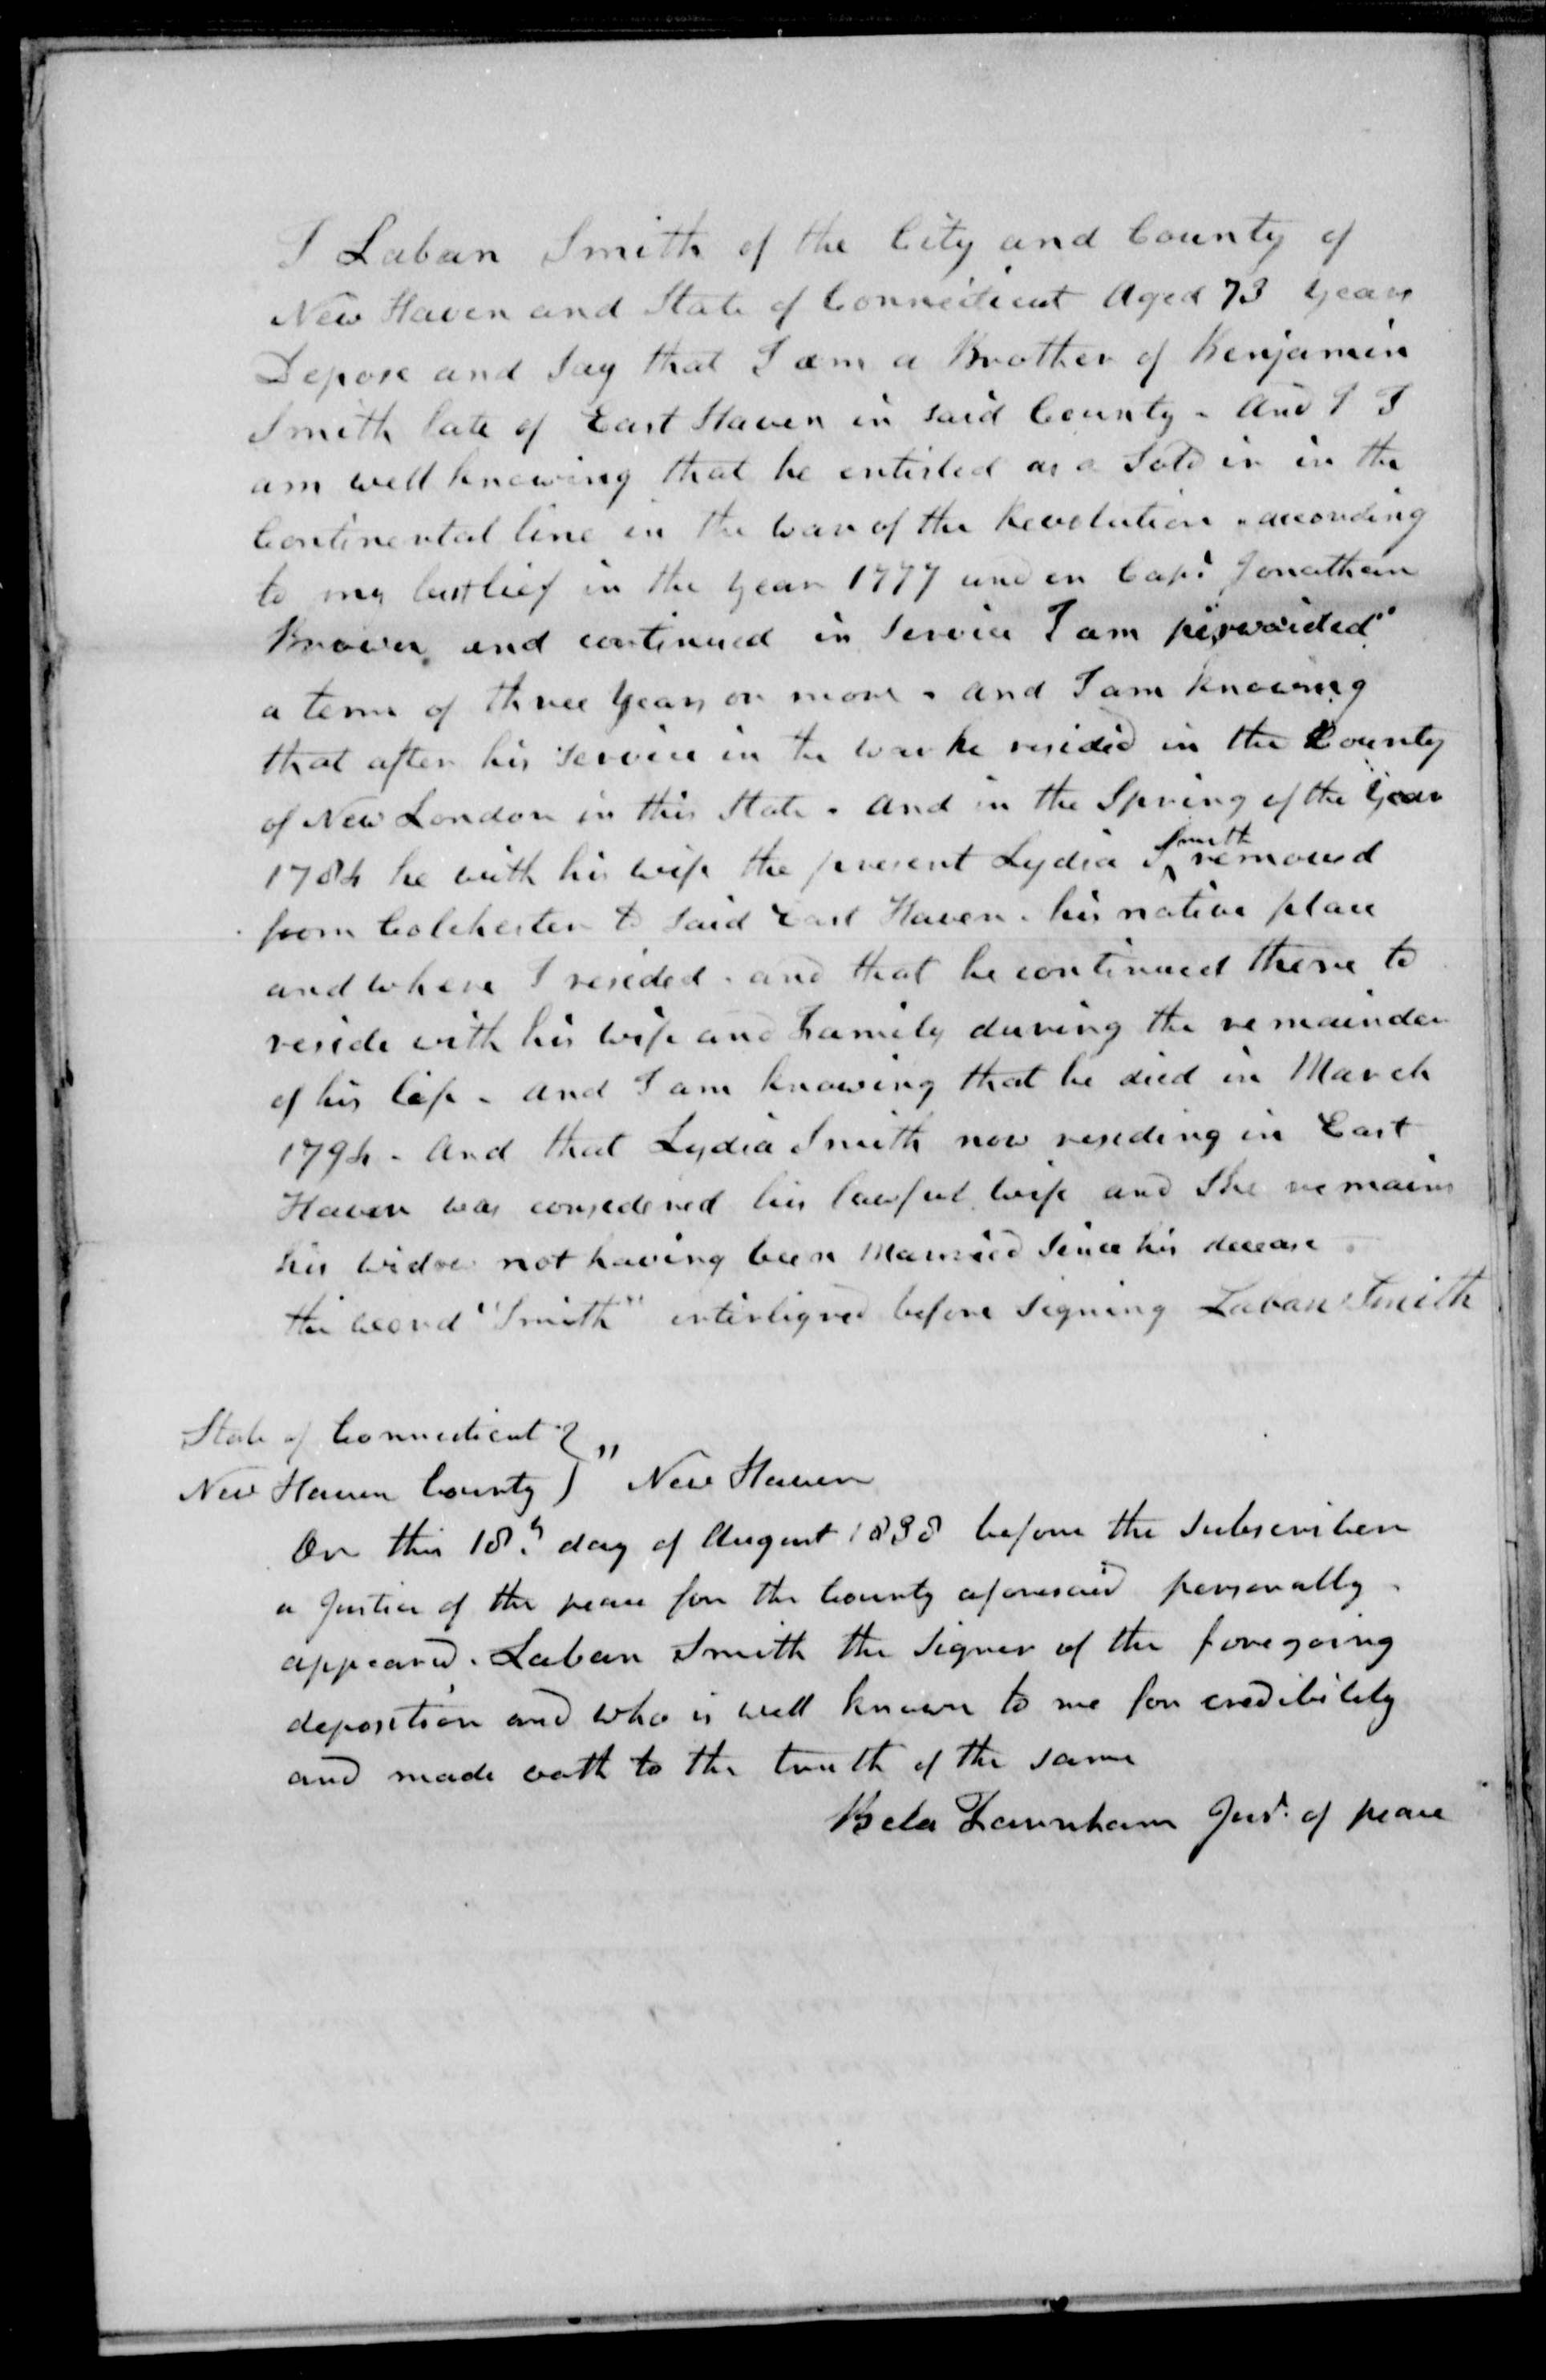I Laban Smith of the city and county of New Haven and state of Connecticut aged 73 years depose and say that I am a brother of Benjamin Smith late of East Haven in said county. And I I am well knowing that he enlisted as a soldier in the Continental Line in the War of the Revolution according to my best belief in the year 1777 and in Capt Jonathan Brown and continued in service I am persuaded a term of three years or more. And I am knowing that after his service in the war he resided in the county of New London in this state. And in the spring of the year 1784 he with his wife the present Lydia Smith removed from Colchester to said East Haven, his native place and where I resided, and that he continued there to reside with his wife and family during the remainder of his life. And I am knowing that he died in March 1794. And that Lydia Smith now residing in East Haven was considered his lawful wife and she remains his widow not having been married since his decease.
The word "Smith" interlined before signing.
Laban Smith

State of Connecticut
New Haven County}ss. New Haven
On this 18th day of August 1835 before the subscriber a Justice of the Peace for the county aforesaid personally appeared Laban Smith the signer of the foregoing deposition and who is well known to me for credibility and made oath to the truth of the same.
Bela Farnham Just of Peace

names: Jonathan Brown; Bela Farnham; [BLANK] Smith; Benjamin Smith; Laban Smith; Lydia Smith; Laban Smith; Lydia Smith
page: 12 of 19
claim: rejected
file: R 9792, for Benjamin Smith, Connecticut